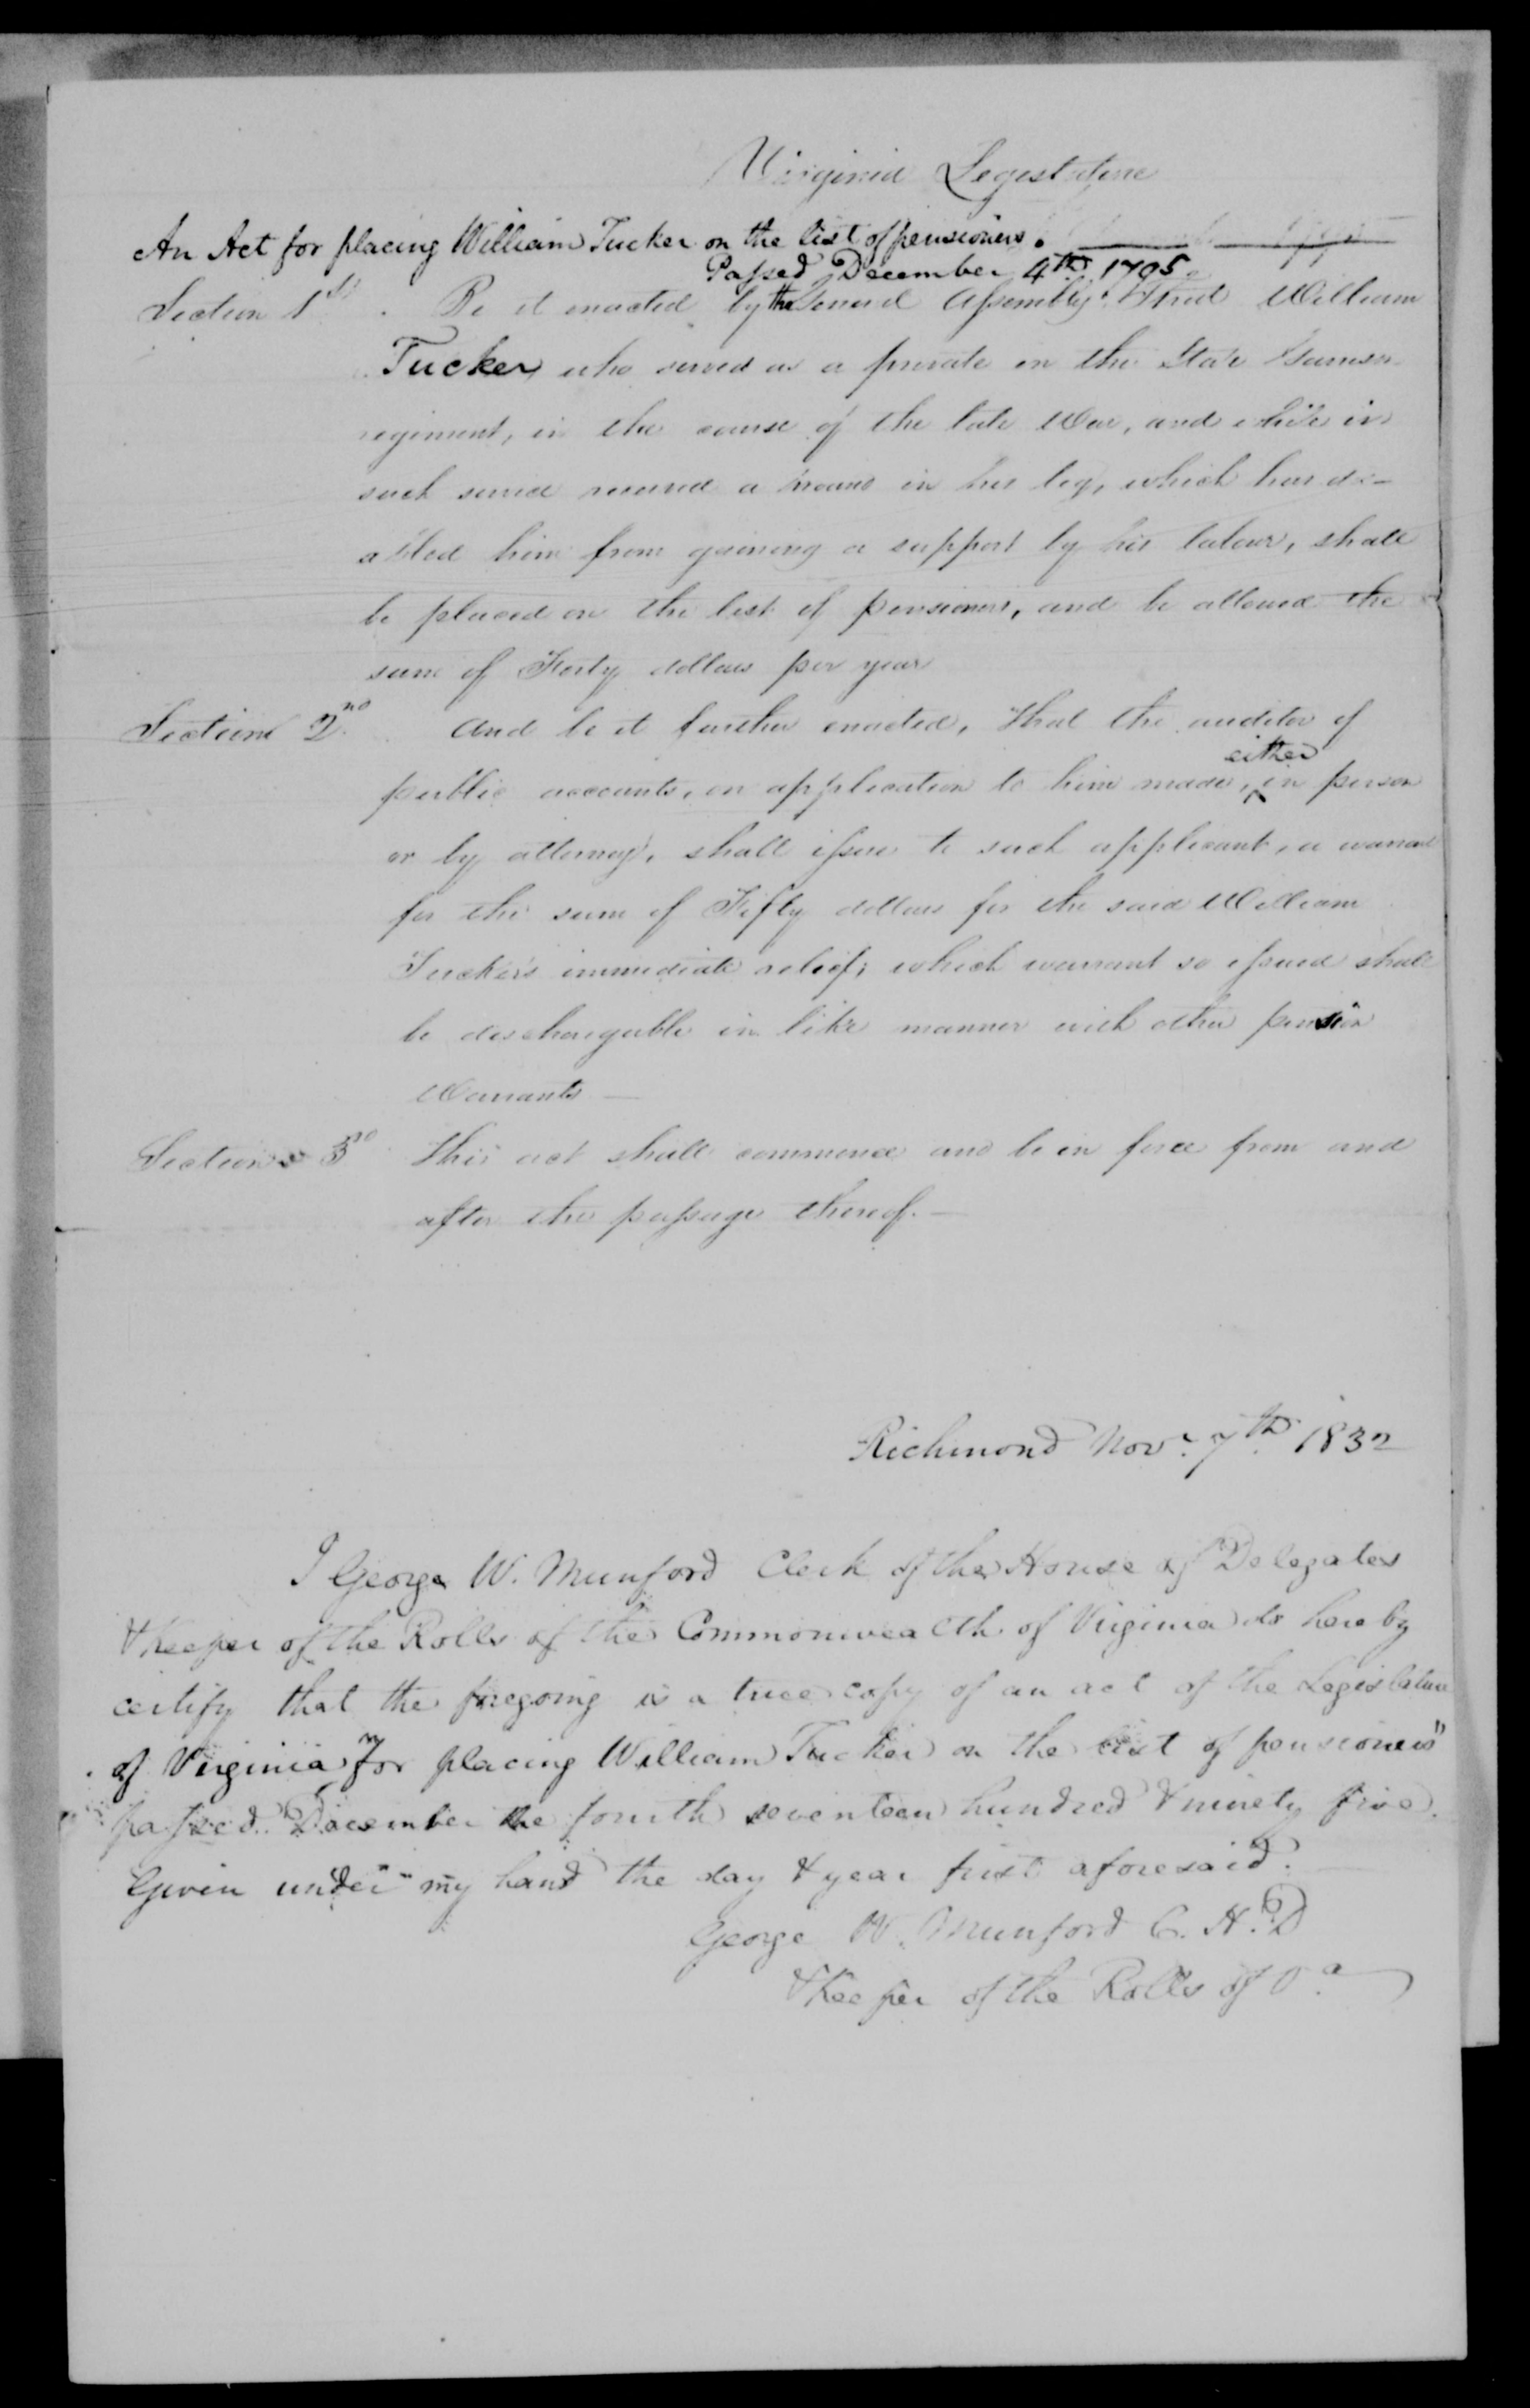Virginia Legislature
an Act for pacing William Tucker on the list of pensioners. Passed December 4th 1795
Section 1st. Be it enacted by the General Assembly that William Tucker who served as a private in the State [illegible] regiment, in the service of the late War, and while in such service received a wound in his leg which has disabled him from gaining a support by his labour, shall be placed in the list of pensioners, and be allowed the sum of Forty dollars per year.
Section 2nd. and be it further enacted, that the auditor of public accounts, an application to him made either in person or by attorney shall issue the such applicant, a ? for the sum of Fifty dollars for the said William Tucker's immediate relief which warrant so issued shall be dischargable in like manner with other pension Warrants _
Section 3rd This act shall commence and be in force from and after the passage thereof._
Richmond Novr 7th 1832
I George W. Mumford clerk of the House of Delegates & keeper of the Rolls of the Commonwealth of Virginia do hereby certify that the foregoing is a true copy of an act of the Legislature of Virginia for placing William Tucker on the list of pensioners" passed December the fourth seventeen hundred & ninety five. Given under my hand the day & year first aforesaid.
George W. Mumford C. H. D
& keeper of the Rolls of Va.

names: William Tucker, William Tucker, William Tucker, George W Munford, George W Munford, William Tucker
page: 7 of 13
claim: survivor's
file: S. 7764, William Tucker, Va.